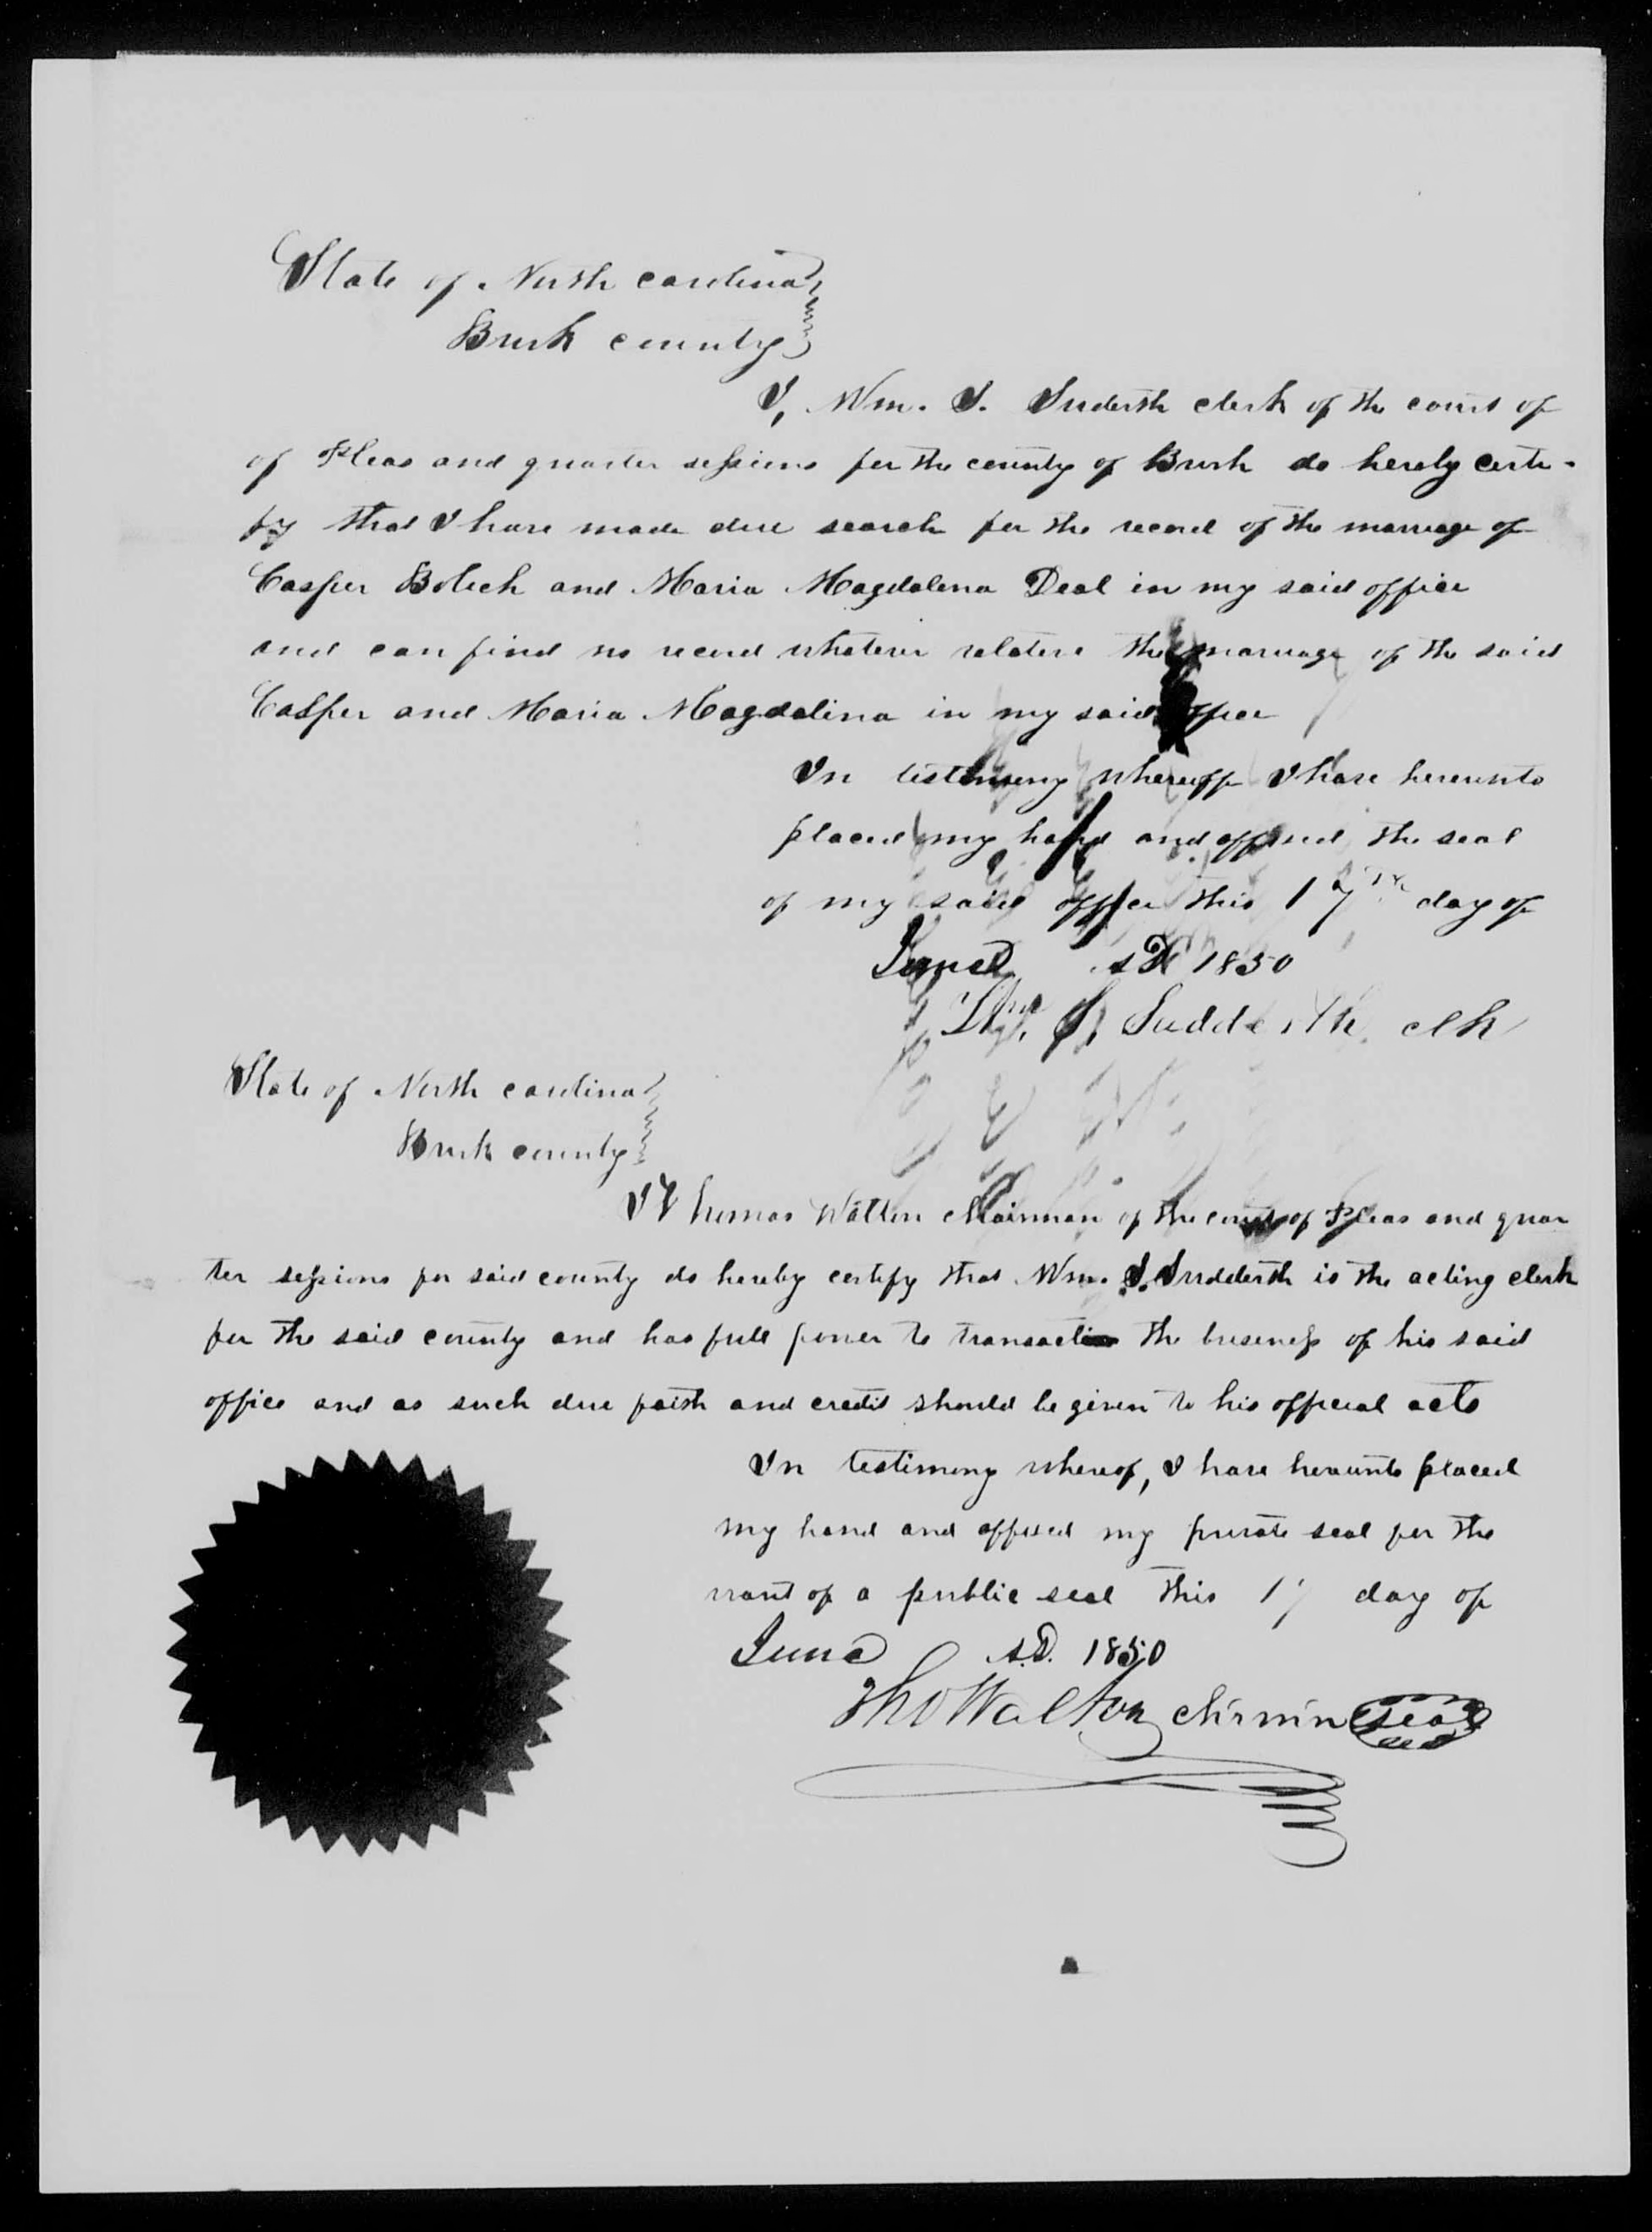State of North Carolina}
Burke County}
I, Wm. S. Sudderth clerk of the court of Please and quarter sessions for the county of Burke do hereby certify that I have made due search for the record of the marriage of Casper Bolick and Maria Magdalina Deal in my said office and can find no record whatever relative the marriage of the said Casper and Maria Magdalina in my said office.
In testimony whereof I have hereunto placed my hand and affixed the seal of my said office this 17th day of June A. D. 1850
[Signature] Wm. S. Sudderth Clerk

State of North Carolina}
Burke County}
I Thomas Walton chairman of the court of Please and quarter sessions for said county do hereby certify that Wm. S. Sudderth is the acting clerk for the said county and has full power to transact the business of his said office and as such due faith and credit should be given to his official acts. In testimony whereof, I have hereunto placed my hand and affixed my private seal for the want of a public seal this 17 day of June A. D. 1850
[Seal] [Signature] Tho. Walton Chairman [seal]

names: Wm S Sudderth, Magdalina, Maria, Wm S Sudderth, Wm S Suderth, Tho Walton, Casper Bolech, Magdalena, Casper, Maria, Thomas Walton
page: 29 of 43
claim: widow's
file: W. 18,566, Casper Bolick, N.C.